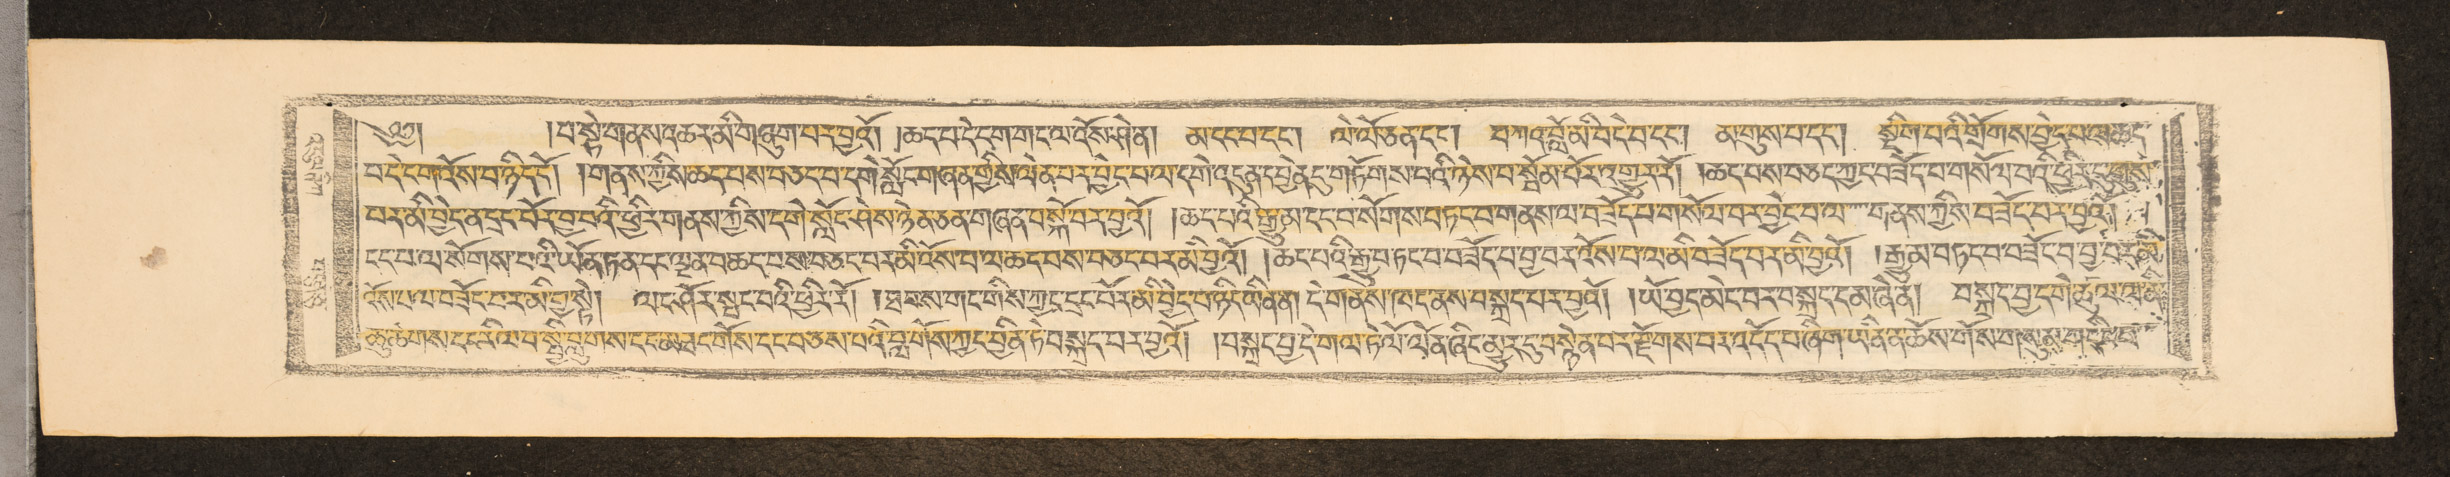༄༅། །པ་སྟེ་གནས་འཆར་མི་གཞུག་པར་བྱའོ། །ཆད་པ་དེ་དག་གང་ལ་འོས་ཤེ་ན། མ་དང་བ་དང་། ལེ་ལོ་ཅན་དང་། བཀའ་བློ་མི་བདེ་བ་དང་། མ་གུས་པ་དང་། སྡིག་བའི་གྲོགས་བྱེད་པ་ལ་ཆད་
པ་དེ་དག་འོས་པ་ཉིད་དོ། །གནས་ཀྱིས་ཆད་པས་བཅད་པ་དགེ་སློང་གཞན་གྱིས་ལེན་པར་བྱེད་པ་ལ་དགེ་འདུན་དབྱེན་དུ་གཏོགས་པའི་ཉེས་པ་སྦོམ་པོར་འགྱུར་རོ། །ཆད་བས་བཅད་ཀྱང་བཟོད་བ་གསོལ་བའི་ཕྱིར་དུ་གུས་
བར་མི་བྱེད་ན་དྲང་པོར་བྱ་བའི་ཕྱིར་གནས་ཀྱིས་དགེ་སློང་ཤེས་ཉེན་ཅན་གཞན་བསྐོ་བར་བྱའོ། །ཆད་པའི་རྒྱུ་མ་དང་པ་སོགས་བཏང་བ་གནས་ལ་བཟོད་པ་གསོལ་བར་བྱེད་བ་ལ་གནས་ཀྱིས་བཟོད་པར་བྱའོ། །
དད་པ་ལ་སོགས་པའི་ཡོན་ཏན་དང་ལྡན་བ་ཆད་པས་བཅད་པར་མི་འོས་པ་ལ་ཆད་པས་བཅད་པར་མི་བྱའོ། །ཆད་པའི་རྒྱུ་བཏང་བ་བཟོད་པ་བྱ་བར་འོས་པ་ལ་མི་བཟོད་བར་མི་བྱའོ། །རྒྱུ་མ་བཏང་བ་བཟོད་པ་བྱ་བར་མི་
འོས་བ་ལ་བཟོད་པར་མི་བྱ་སྟེ། ལང་ཤོར་སྤང་བའི་ཕྱིར་རོ། །ཐབས་གང་གིས་ཀྱད་དྲད་པོར་མི་བྱེད་པ་ཉིད་ཡིན་ན། དེ་གནས་ཁང་ནས་བསྐྲད་བར་བྱའོ། །ཡོ་བྱད་མེད་པར་བསྐྲད་དམ་ཞེ་ན། བསྐྲང་བྱ་དགེ་ཚུལ་ལ་ནི་
ཆུ་ཚགས་དང་རིལ་བ་སྤྱི་བླུགས་དང་མཐང་གོས་དང་བཅས་པའི་བླ་གོས་ཀྱང་བྱིན་ཏེ་བསྐྲད་པར་བྱའོ། །བསྐྲང་བྱ་དེ་གལ་ཏེ་ལོ་ལོན་ཞིང་མྱུར་དུ་བསྙེན་པར་རྫོགས་བར་འདོད་པ་ཞིག་ཡིན་ན་ཆོས་གོས་གསུམ་གདིང་བ་